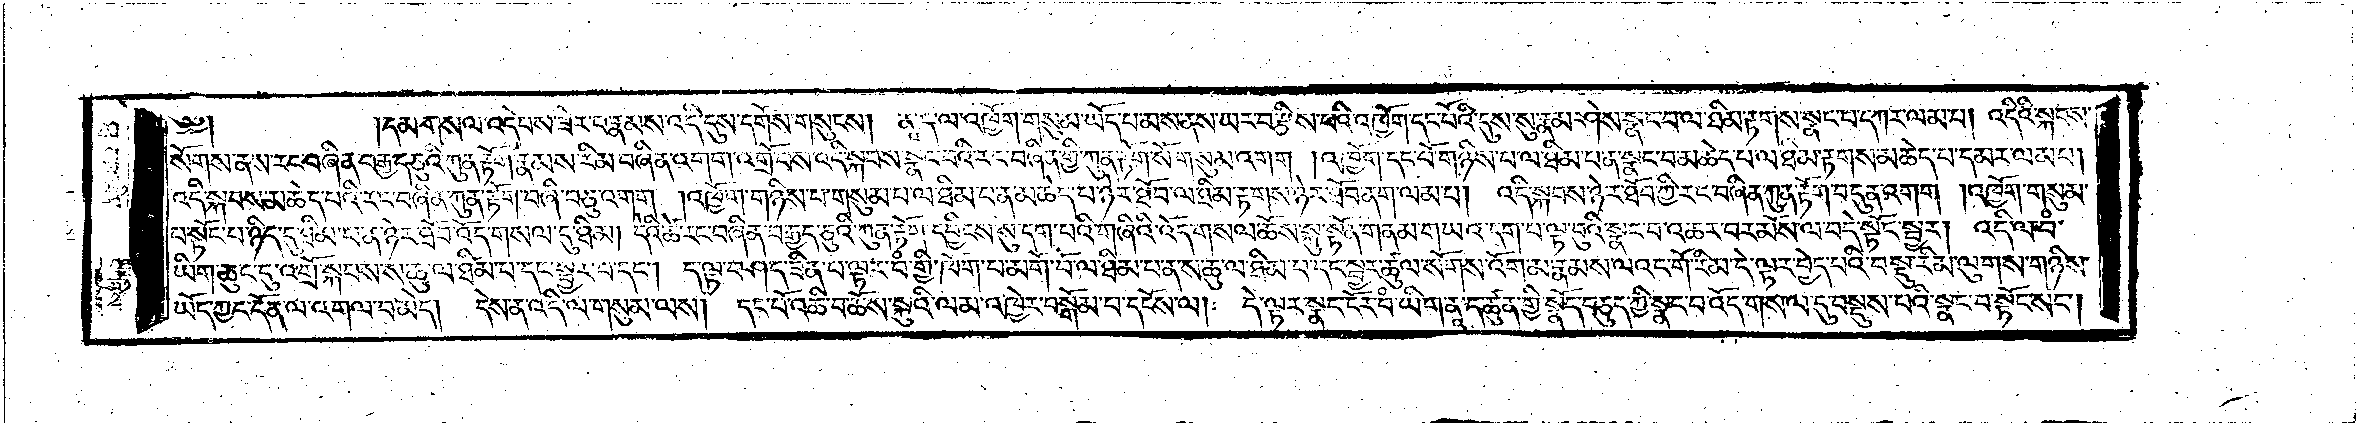༄༅། །དམ་གསལ་འདེབས་ཟེར་བ་རྣམས་འདི་དུས་དགོས་གསུངས། ནཱ་ད་ལ་འཁྱོག་གསུམ་ཡོད་པ་མས་ནས་ཡར་བརྩིས་པའི་འཁྱོག་དང་པོའི་དུས་སུ་རྣམ་ཤེས་སྣང་བ་ལ་ཐིམ་རྟགས་སྣང་བ་དཀར་ལམ་པ། འདིའི་སྐབས་
སོགས་ནས་རང་བཞིན་བརྒྱད་ཅུའི་ཀུན་རྟོག་རྣམས་རིམ་བཞིན་འགག་འགྲོ་བས་འདི་སྐབས་སྣང་བའི་རང་བཞིན་གྱི་ཀུན་རྟོག་སོ་གསུམ་འགག །འཁྱོག་དང་པོ་གཉིས་པ་ལ་ཐིམ་པ་ན་སྣང་བ་མཆེད་པ་ལ་ཐིམ་རྟགས་མཆེད་པ་དམར་ལམ་པ།
འདི་སྐབས་མཆེད་པའི་རང་བཞིན་ཀུན་རྟོག་བཞི་བཅུ་འགག །འཁྱོག་གཉིས་པ་གསུམ་པ་ལ་ཐིམ་པ་ན་མཆེད་པ་ཉེར་ཐོབ་ལ་ཐིམ་རྟགས་ཉེར་ཐོབ་ནག་ལམ་པ། འདི་སྐབས་ཉེར་ཐོབ་ཀྱི་རང་བཞིན་ཀུན་རྟོག་བདུན་འགག །འཁྱོག་གསུམ་
པ་སྟོང་པ་ཉིད་དུ་ཐིམ་པ་ན་ཉེར་ཐོབ་འོད་གསལ་དུ་ཐིམ། དེའི་ཚེ་རང་བཞིན་བརྒྱད་ཅུའི་ཀུན་རྟོག་དབྱིངས་སུ་དག་པའི་གཞིའི་འོད་གསལ་ཆོས་སྐུ་སྟོན་གནམ་གཡའ་དག་པ་ལྟ་བུའི་སྣང་བ་འཆར་བར་མོས་ལ་བདེ་སྟོང་སྦྱར། འདི་ལ་བཾ་
ཡིག་ཆུང་ངུ་འགྲོ་སྐབས་ས་ཆུ་ལ་ཐིམ་པ་དང་སྦྱར་བ་དང་། ད་ལྟ་བཤད་ཟིན་པ་ལྟར་བཾ་གྱི་ཁོག་པ་མགོ་བོ་ལ་ཐིམ་པ་ན་ས་ཆུ་ལ་ཐིམ་པ་དང་སྦྱར་ཚུལ་སོགས་འོག་མ་རྣམས་ལའང་གོ་རིམ་དེ་ལྟར་བྱེད་པའི་བསྡུ་རིམ་ལུགས་གཉིས་
ཡོད་ཀྱང་དོན་ལ་འགལ་བ་མེད། དེས་ན་འདི་ལ་གསུམ་ལས། དང་པོ་འཆི་བ་ཆོས་སྐུའི་ལམ་འཁྱེར་བསྒོམ་པ་དངོས་ལ། དེ་ལྟར་སྣང་ངོར་བཾ་ཡིག་ནཱ་ད་ཚུན་གྱི་སྣོད་བཅུད་ཀྱི་སྣང་བ་འོད་གསལ་དུ་བསྡུས་པའི་སྣང་བ་སྟོང་སང་།